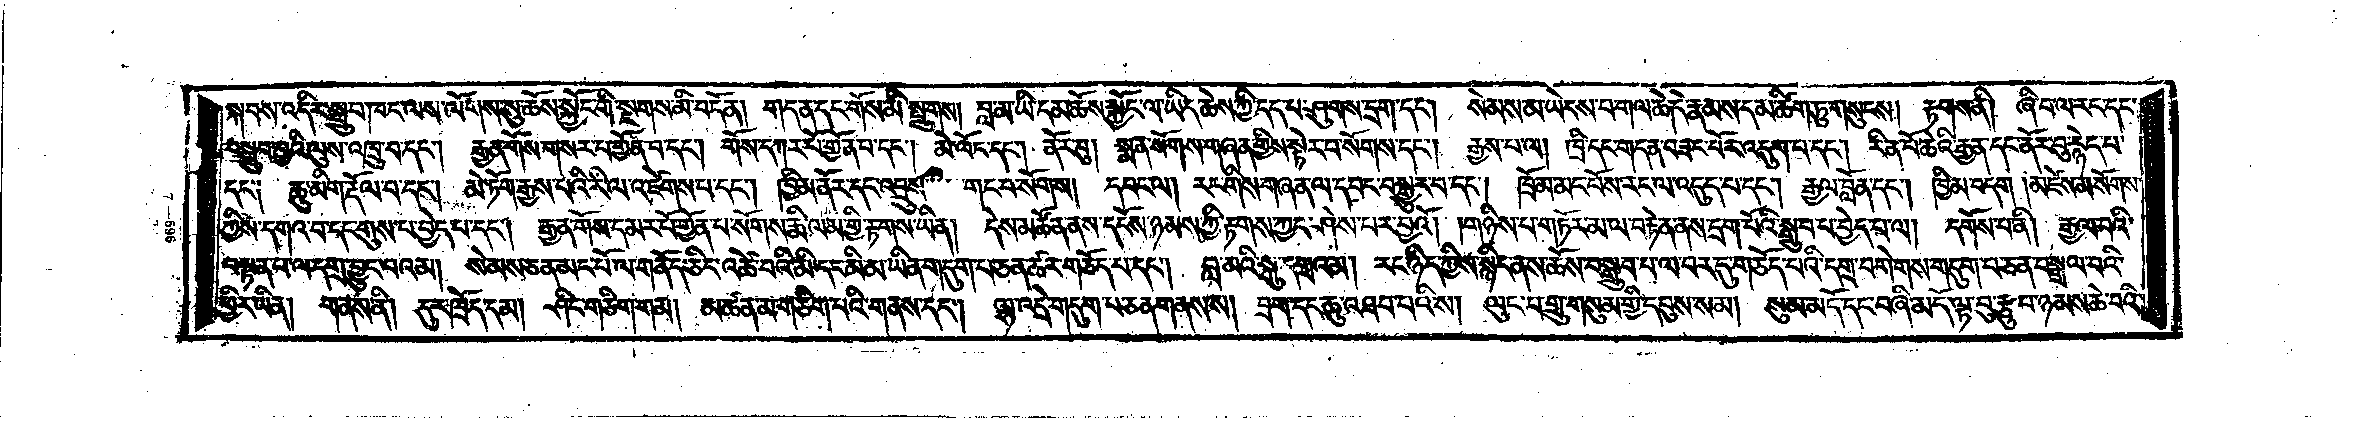སྐབས་འདིར་སྒྲུབ་ཁང་ལས་ལོགས་སུ་ཆོས་སྐྱོང་གི་སྔགས་མི་བདན། གདན་དང་གོས་མི་སྦྲུགས། བླ་མ་ཡི་དམ་ཆོས་སྐྱོང་ལ་ཡིད་ཆེས་ཀྱི་དད་པ་ཤུགས་དྲག་དང་། སེམས་མ་ཡེངས་པ་གལ་ཆེ། དེ་རྣམས་དམ་ཚིག་ཏུ་གསུངས། རྟགས་ནི། ཞི་བ་ལ་རང་དང་
བསྒྲུབ་བྱའི་ལུས་འཁྲུ་བ་དང་། རྒྱན་གོས་གསར་པ་གྱོན་པ་དང་། གོས་དཀར་པོ་གྱོན་པ་དང་། མེ་ལོང་དང་། ནོར་བུ། སྨན་སོགས་གཞན་གྱིས་སྟེར་བ་སོགས་དང་། རྒྱས་པ་ལ། ཁྲི་དང་གདན་བཟང་པོར་འདུག་པ་དང་། རིན་པོ་ཆེའི་རྒྱན་དང་ནོར་བུ་རྙེད་པ་
དང༑ ཆུ་མིག་རྡོལ་བ་དང་། མེ་ཏོག་རྒྱས་པའི་རི་ལ་འཛེགས་པ་དང་། ཁྱིམ་ནོར་དང་འབྲུས་གང་བ་སོགས། དབང་ལ། རང་གིས་གཞན་ལ་དབང་བསྒྱུར་བ་དང་། ཁྲོམ་མང་བོས་རང་ལ་འདུད་པ་དང་། རྒྱལ་བློན་དང་། ཁྱིམ་བདག། །མཛེས་མ་སོགས་
ཀྱིས་དགའ་བ་དང་གུས་པ་བྱེད་པ་དང་། རྒྱན་གོས་དམར་པོ་གྱོན་པ་སོགས་རྨི་ལམ་གྱི་རྟགས་ཡིན། དེས་མཚོན་ནས་དངོས་ཉམས་ཀྱི་རྟགས་ཀྱང་ཤེས་པར་བྱའོ། །གཉིས་པ་གཏོར་མ་ལ་བརྟེན་ནས་དྲག་པོའི་སྒྲུབ་པ་བྱེད་པ་ལ། དགོས་པ་ནི། རྒྱལ་བའི་
བསྟན་པ་ལ་དགྲ་བྱུང་བའམ། སེམས་ཅན་མང་པོ་ལ་གནོད་ཅིང་འཚེ་བའི་མི་དང་མི་མ་ཡིན་གདུག་པ་ཅན་ཚར་གཅོད་པ་དང་། བླ་མའི་སྐུ་དགྲའམ། རང་ཉིད་ཀྱིས་སྙིང་ནས་ཆོས་བསྒྲུབ་པ་ལ་བར་དུ་གཅོད་པའི་དགྲ་བགེགས་གདུག་པ་ཅན་བསྒྲལ་བའི་
ཕྱིར་ཡིན། གནས་ནི། དུར་ཁྲོད་དམ། ཤིང་གཅིག་གམ། མཚན་མ་གཅིག་པའི་གནས་དང་། ལྷ་འདྲེ་གདུག་པ་ཅན་གནས་ས། བྲག་དང་ཆུ་འཐབ་པའི་ས། ལུང་པ་གྲུ་གསུམ་གྱི་དབུས་སམ། སུམ་མདོ་དང་བཞི་མདོ་ལྟ་བུ་རྩུབ་ཉམས་ཆེ་བའི་